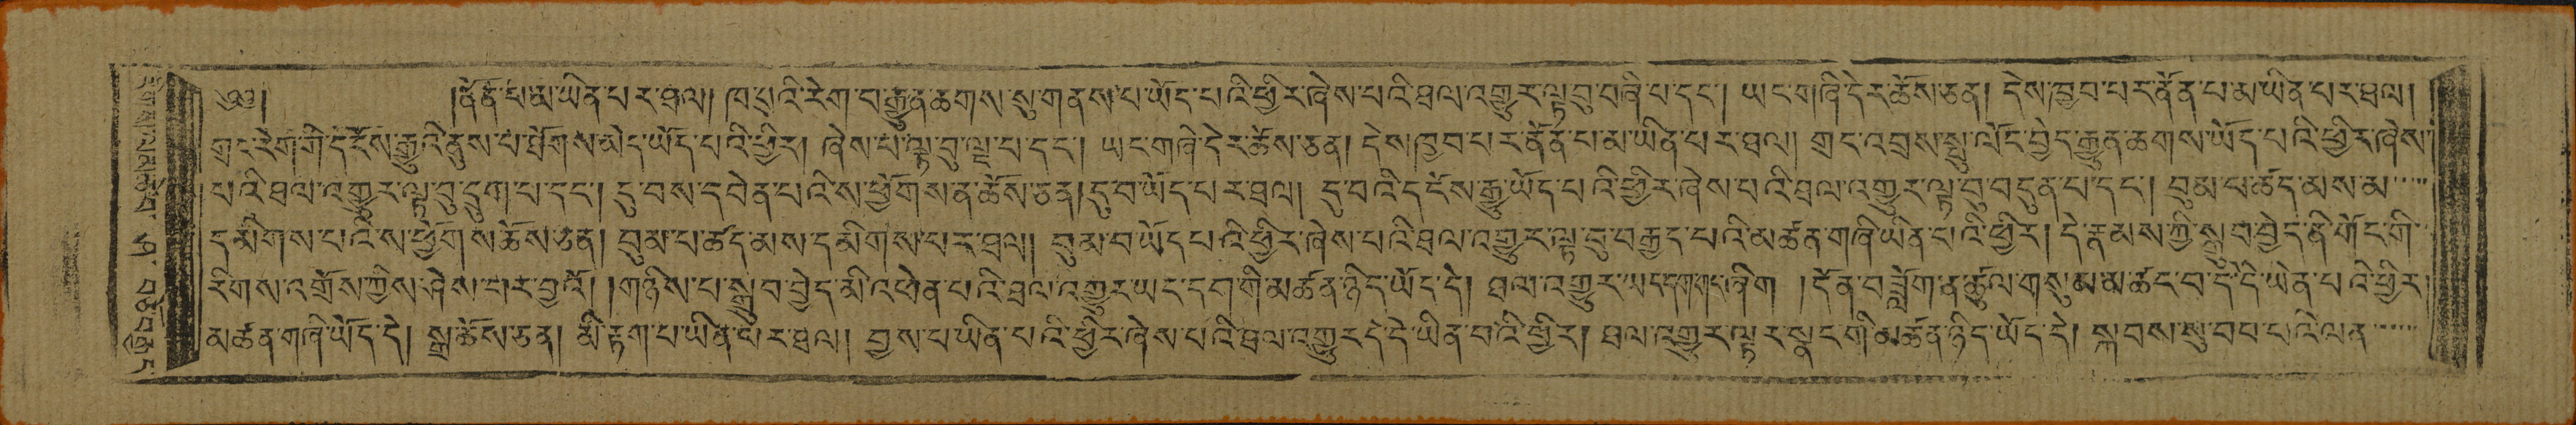༄༅། །ནོན་པ་མ་ཡིན་པར་ཐལ། ཁ་པའི་རེག་བ་རྒྱུན་ཆགས་སུ་གནས་པ་ཡོད་པའི་ཕྱིར་ཞེས་པའི་ཐལ་འགྱུར་ལྟ་བུ་བཞི་པ་དང་། ཡང་གཞི་དེར་ཆོས་ཅན། དེས་ཁྱབ་པར་ནོན་པ་མ་ཡིན་པར་ཐལ།
གྲང་རེག་གི་དངོས་རྒྱུའི་ནུས་པ་ཐོགས་མེད་ཡོད་པའི་ཕྱིར། ཞེས་པ་ལྟ་བུ་ལྔ་པ་དང་། ཡང་གཞི་དེར་ཆོས་ཅན། དེས་ཁྱབ་པར་ནོན་པ་མ་ཡིན་པར་ཐལ། གྲང་འབྲས་སྤུ་ལོང་བྱེད་རྒྱུན་ཆགས་ཡོད་པའི་ཕྱིར་ཞེས་
པའི་ཐལ་འགྱུར་ལྟ་བུ་དྲུག་པ་དང་། དུ་བས་དབེན་པའི་ས་ཕྱོགས་ན་ཆོས་ཅན། དུ་བ་ཡོད་པར་ཐལ། དུ་བའི་དངོས་རྒྱུ་ཡོད་པའི་ཕྱིར་ཞེས་པའི་ཐལ་འགྱུར་ལྟ་བུ་བདུན་པ་དང་། བུམ་པ་ཚད་མས་མ་
དམིགས་པའི་ས་ཕྱོགས་ཆོས་ཅན། བུམ་པ་ཚད་མས་དམིགས་པར་ཐལ། བུམ་པ་ཡོད་པའི་ཕྱིར་ཞེས་པའི་ཐལ་འགྱུར་ལྟ་བུ་བརྒྱད་པའི་མཚན་གཞི་ཡིན་པའི་ཕྱིར། དེ་རྣམས་ཀྱི་སྒྲུབ་བྱེད་ནི་གོང་གི་
རིགས་འགྲོས་ཀྱིས་ཤེས་པར་བྱའོ། །གཉིས་པ་སྒྲུབ་བྱེད་མི་འཕེན་པའི་ཐལ་འགྱུར་ཡང་དག་གི་མཚན་ཉིད་ཡོད་དེ། ཐལ་འགྱུར་ཡང་དག་གང་ཞིག །དོན་བཟློག་ན་ཚུལ་གསུམ་མ་ཚང་བ་དེ་དེ་ཡིན་པའི་ཕྱིར་
མཚན་གཞི་ཡོད་དེ། སྒྲ་ཆོས་ཅན། མི་རྟག་པ་ཡིན་པར་ཐལ། བྱས་པ་ཡིན་པའི་ཕྱིར་ཞེས་པའི་ཐལ་འགྱུར་དེ་དེ་ཡིན་པའི་ཕྱིར། ཐལ་འགྱུར་ལྟར་སྣང་གི་མཚན་ཉིད་ཡོད་དེ། སྐབས་སུ་བབ་པའི་ལན་